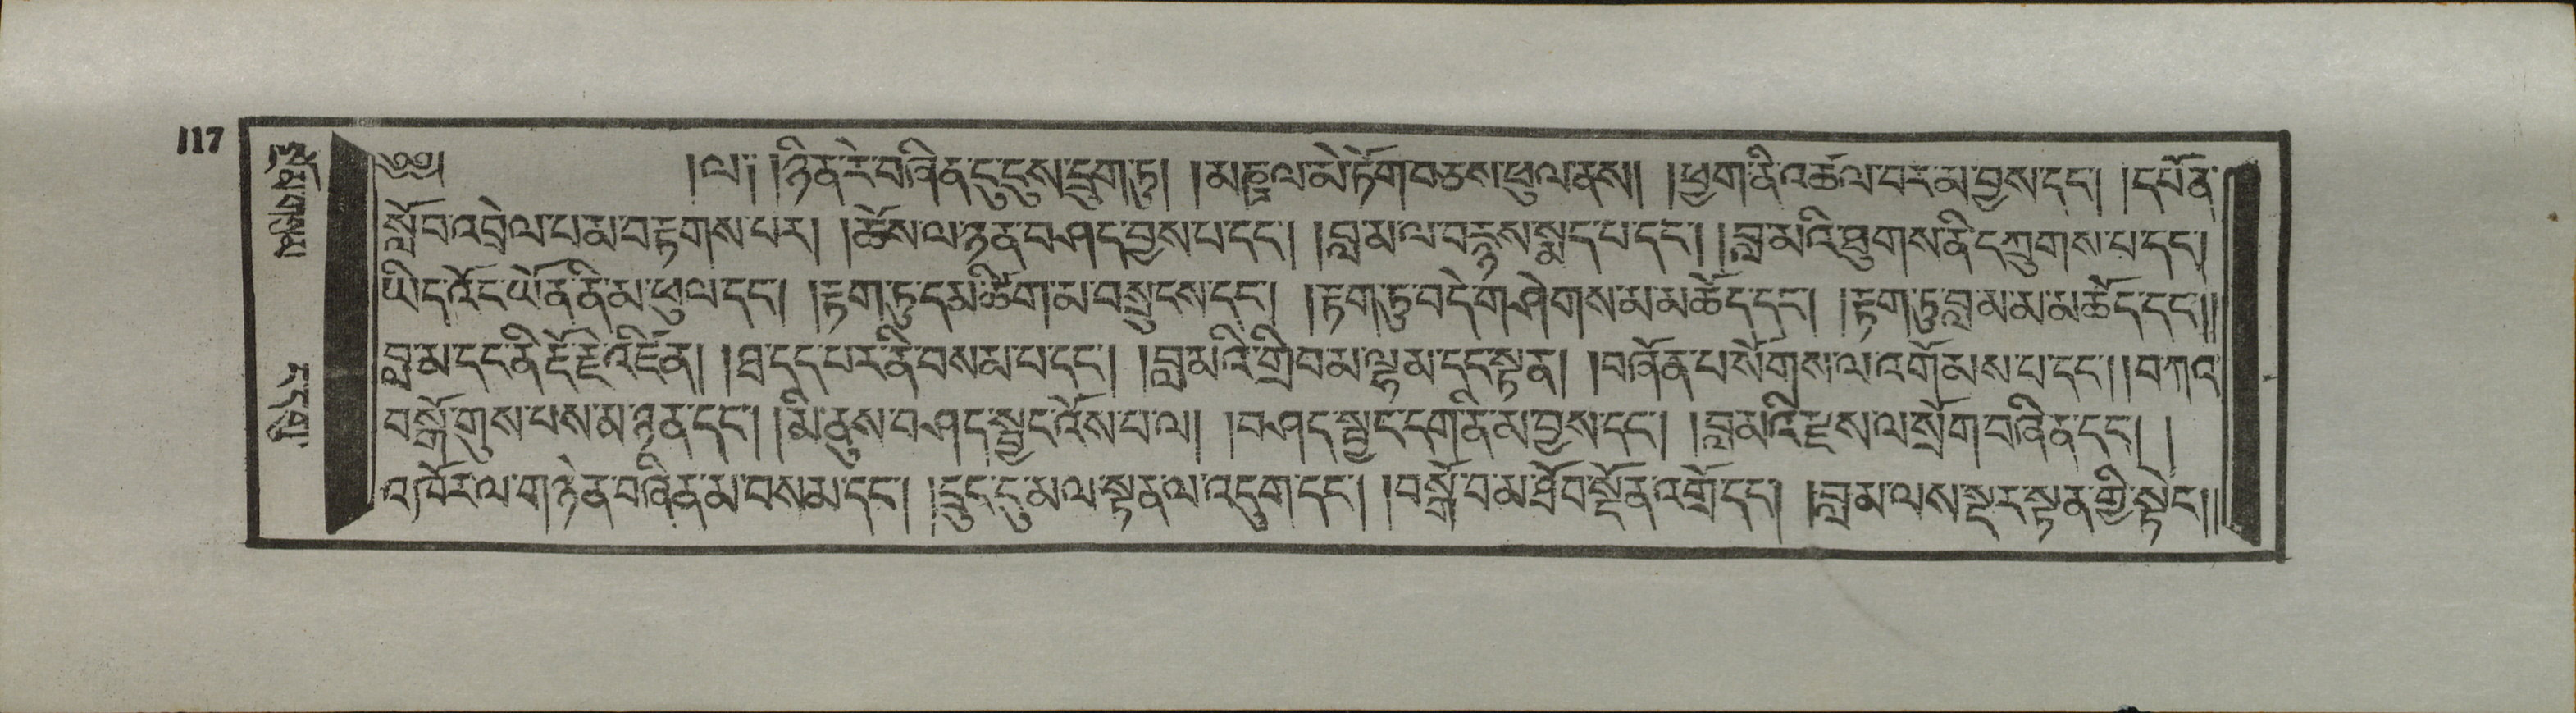༄༅། །ལ༑ ༑ཉིན་རེ་བཞིན་དུ་དུས་དྲུག་ཏུ། །མཎྜལ་མེ་ཏོག་བཅས་ཕུལ་ནས། །ཕྱག་ནི་འཚལ་བར་མ་བྱས་དང་། །དཔོན་
སློབ་འབྲེལ་པ་མ་བརྟགས་པར། །ཆོས་ལ་ཉན་བཤད་བྱས་པ་དང་། །བླ་མ་ལ་བརྙས་སྨད་པ་དང་། །བླ་མའི་ཐུགས་ནི་དཀྲུགས་པ་དང་།
ཡིད་འོང་ཡོན་ནི་མ་ཕུལ་དང་། །རྟག་ཏུ་དམ་ཚིག་མ་བསྲུངས་དང་། །རྟག་ཏུ་བདེ་གཤེགས་མ་མཆོད་དང་། །རྟག་ཏུ་བླ་མ་མ་མཆོད་དང།།
བླ་མ་དང་ནི་རྡོ་རྗེ་འཛིན། །ཐ་དད་པར་ནི་བསམ་པ་དང་། །བླ་མའི་གྲིབ་མ་ལྷམ་དང་སྟན། །བཞོན་པ་སོགས་ལ་འགོམས་པ་དང་། །བཀའ་
བསྒོ་གུས་པས་མ་ཉན་དང་། །མི་ནུས་བཤད་སྦྱང་འོས་པ་ལ། །བཤད་སྦྱང་དག་ནི་མ་བྱས་དང་། །བླ་མའི་རྫས་ལ་སྲོག་བཞིན་དང།།
འཁོར་ལ་གཉེན་བཞིན་མ་བསམ་དང་། །དྲུང་དུ་མལ་སྟན་ལ་འདུག་དང་། །བསྒོ་བ་མ་ཐོབ་སྔོན་འགྲོ་དང་། །བླ་མ་ལས་སྔར་སྟན་གྱི་སྟེང།།